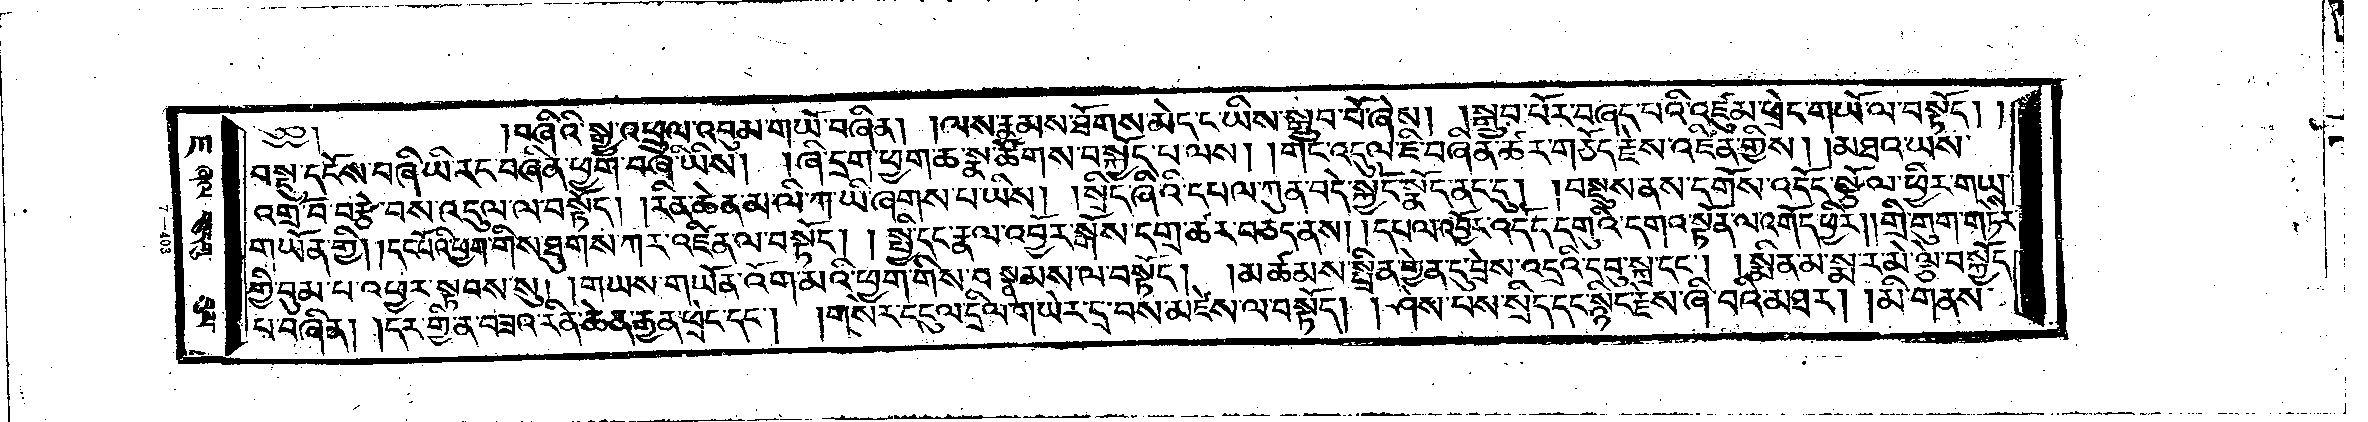༄༅། །བཞིའི་སྒྱུ་འཕྲུལ་འབུམ་གཡོ་བཞིན། །ལས་རྣམས་ཐོགས་མེད་ང་ཡིས་སྒྲུབ་བོ་ཞེས། །སྒྲུབ་པོར་བཞད་པའི་འཛུམ་ཕྲེང་གཡོ་ལ་བསྟོད། །
བསྡུ་དངོས་བཞི་ཡི་རང་བཞིན་ཕྱག་བཞི་ཡིས། །ཞི་དྲག་ཕྱག་ཆ་སྣ་ཚོགས་བསྐྱོད་པ་ལས། །གང་འདུལ་ཇི་བཞིན་ཚར་གཅོད་རྗེས་འཛིན་གྱིས། །མཐའ་ཡས་
འགྲོ་བ་བརྩེ་བས་འདུལ་ལ་བསྟོད། །རིན་ཆེན་མ་ལི་ཀ་ཡི་ཞགས་པ་ཡིས། །སྲིད་ཞིའི་དཔལ་ཀུན་བདེ་སྐྱོང་སྣོད་ནང་དུ། །བསྡུས་ནས་དགོས་འདོང་སྩོལ་ཕྱིར་གཡས་
གཡོན་གྱི། །དང་པོའི་ཕྱག་གིས་ཐུགས་ཀར་འཛིན་ལ་བསྟོང་། །སྤྱི་དང་རྣལ་འབྱོར་སྒོས་དགྲ་ཚར་བཅས་ནས། །དཔལ་འབྱོར་འདོད་དགུའི་དགའ་སྟོན་ལ་འགོད་ཕྱིར་།གྲི་གུག་གཏེར་
གྱི་བུམ་པ་འཕྱར་སྟབས་སུ། །གཡས་གཡོན་འོག་མའི་ཕྱག་གིས་བསྣམས་ལ་བསྟོད། །མཚམས་སྒྲིན་གྱེན་དུ་བྱེས་དབུ་སྐྲ་དང་། །སྨིན་མ་སྨར་མེ་ལྕེ་བསྐྱོད་
པ་བཞིན། །དར་གྱི་ན་བཟའ་ཟིན་ཆེན་རྒྱན་ཕྲེང་དང་། །གསེར་དངུལ་དྲིལ་གཡེར་དུ་བས་མཛེས་ལ་བསྟོད། །ཤེས་པས་སྲིད་དང་སྙིང་རྗེས་ཞི་བའི་མཐར། །མི་གནས་